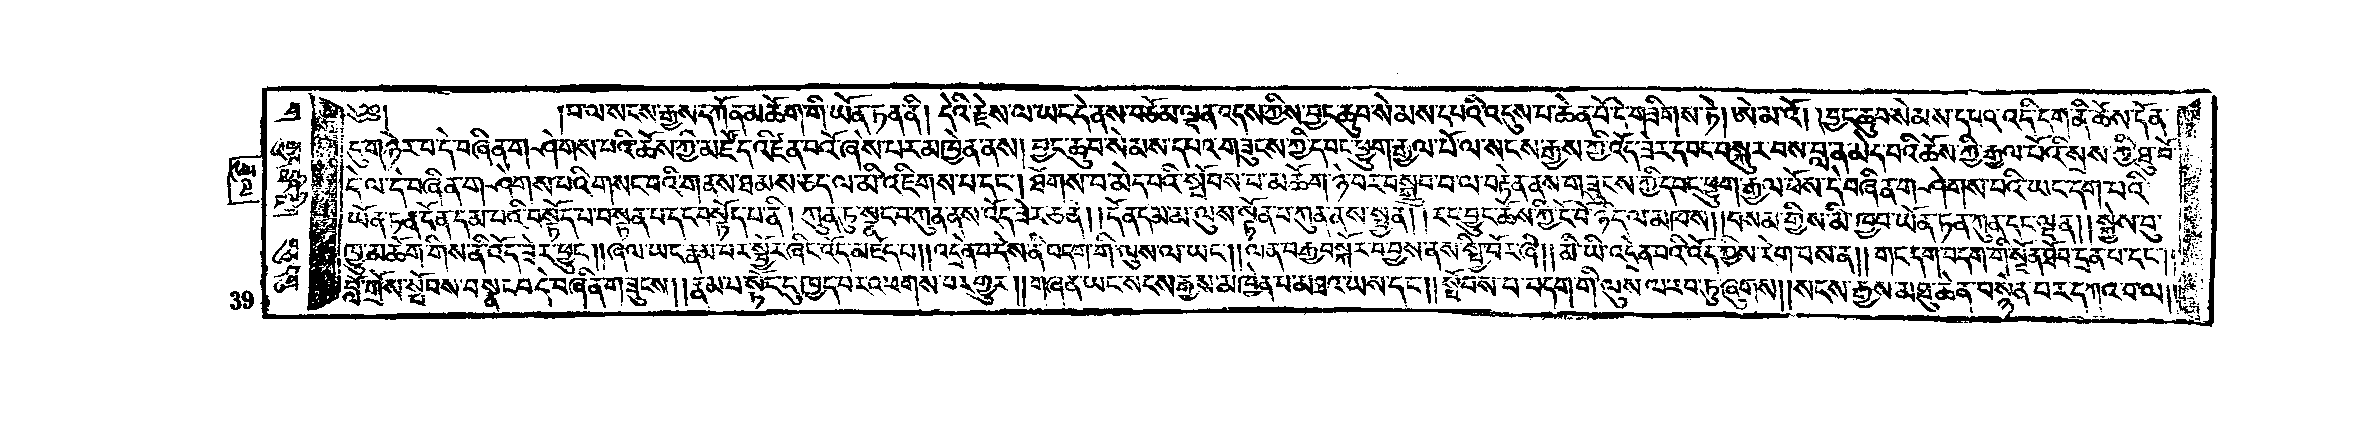༄༅། །པ་ལ་སངས་རྒྱས་དཀོན་མཆོག་གི་ཡོན་ཏན་ནི། དེའི་རྗེས་ལ་ཡང་དེ་ནས་བཅོམ་ལྡན་འདས་ཀྱིས་བྱང་ཆུབ་སེམས་དཔའི་འདུས་པ་ཆེན་པོ་དེ་གཟིགས་ཏེ། ཨེ་མ་འོ། །བྱང་ཆུབ་སེམས་དཔའ་འདི་དག་ནི་ཆོས་དོན་
དུ་གཉེར་བ་དེ་བཞིན་གཤེགས་པའི་ཆོས་ཀྱི་མཛོད་འཛིན་པའོ་ཞེས་པར་མཁྱེན་ནས། བྱང་ཆུབ་སེམས་དཔའ་གཟུངས་ཀྱི་དབང་ཕྱུག་རྒྱལ་པོ་ལ་སངས་རྒྱས་ཀྱི་འོད་ཟེར་དབང་བསྐུར་བས་བླ་ན་མེད་པའི་ཆོས་ཀྱི་རྒྱལ་པོའི་སྲས་ཀྱི་ཐུ་བོ་
དེ་ལ་དེ་བཞིན་གཤེགས་པའི་གསང་བའི་གནས་ཐམས་ཅད་ལ་མི་འཇིགས་པ་དང་། ཐོགས་པ་མེད་པའི་སྤོབས་པ་མཆོག་ཉེ་བར་བསྒྲུབ་བ་ལ་བརྟེན་ནས་གཟུངས་ཀྱི་དབང་ཕྱུག་རྒྱལ་ཕོས་དེ་བཞིན་གཤེགས་པའི་ཡང་དག་པའི་
ཡོན་ཏན་དོན་དམ་པའི་བསྟོད་པ་བསྟན་པ་དང་བསྟོད་པ་ནི། ཀུན་ཏུ་སྣང་བ་ཀུན་ནས་འོད་ཟེར་ཅན། །དོན་དམ་མ་ལུས་སྟོན་པ་ཀུན་ནས་སྤྱན། །རང་བྱུང་ཆོས་ཀྱི་ངོ་བོ་ཉིད་ལ་མཁས། །བསམ་གྱིས་མི་ཁྱབ་ཡོན་ཏན་ཀུན་དང་ལྡན། །སྐྱེས་བུ་
ཁྱུ་མཆོག་གིས་ནི་འོད་ཟེར་ཕུང་། །ཞལ་ཡང་རྣམ་པར་སྦྱོར་ཞིང་འོད་མཛད་པ། །འདྲེན་པ་དེས་ནི་བདག་གི་ལུས་ལ་ཡང་། །ལན་བརྒྱ་བསྐོར་བ་བྱས་ནས་སྤྱི་བོར་ཞི། །མི་ཡི་འདྲེན་པའི་འོད་ཀྱིས་རེག་པས་ན། །གང་དག་བདག་གི་སྔོན་ཐོབ་དྲན་པ་དང་།
བློ་གྲོས་སྤོབས་བ་སྣང་བ་དེ་བཞིན་གཟུངས། །རྣམ་པ་སྟོང་དུ་ཁྱད་པར་འཕགས་པར་གྱུར། །གཞན་ཡང་སངས་རྒྱས་མཁྱེན་པ་མཐའ་ཡས་དང་། །སྤོབས་པ་བདག་གི་ལུས་ལ་རབ་ཏུ་ཞུགས། །སངས་རྒྱས་མཐུ་ཆེན་བསྙེན་པར་དཀའ་བ་ལ། །